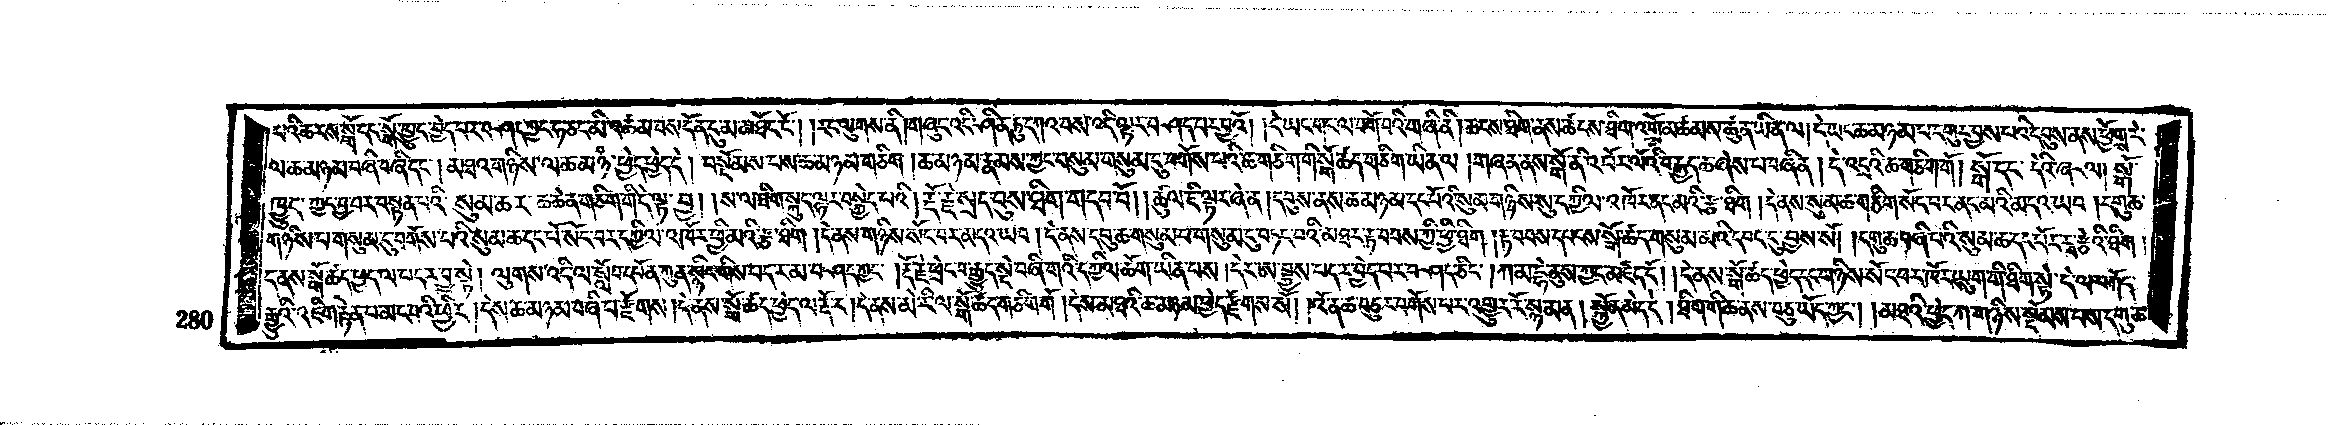པའི་ཆ་རས་སྒོ་དང་སྒོ་ཁྱུད་བྱེད་པར་བཤད་ཀྱང་ཧ་ཅང་མི་འཚམ་བས་དོན་དུ་མ་མཐོང་ངོ། །རང་ལུགས་ནི། གཞུང་འདི་ཤིན་ཏུ་དཀའ་བས་འདི་ལྟར་བཤད་པར་བྱའོ། །དེ་ཡང་གང་ལ་བགོ་བའི་གཞི་ནི། ཚངས་ཐིག་ནས་ཚངས་ཐིག་འགྲོ་མཚམས་ཚུན་ཡིན་ལ། དེ་ཡང་ཆ་མཉམ་པ་དགུར་བྱས་པའི་དབུས་ནས་ཕྱོགས་རེ་
ལ་ཆ་མཉམ་བཞི་བཞི་དང་། མཐའ་གཉིས་ལ་ཆ་མཉམ་ཕྱེད་ཕྱེད་དེ། བསྡོམས་པས་ཆ་མཉམ་གཅིག །ཆ་མཉམ་རྣམས་ཀྱང་གསུམ་གསུམ་དུ་བགོས་པའི་ཆ་གཅིག་གི་སྒོ་ཚད་གཅིག་ཡིན་ལ། གཞན་ནས་སྒོ་ནི་འཁོར་ལོའི་བརྒྱད་ཆ་ཞེས་པ་བཞིན། དེ་འདྲའི་ཆ་གཅིག་གོ །སྒོ་དང་དེའི་ཞར་ལ། སྒོ་
ཁྱུད་ཀྱང་བྱ་བར་བསྟན་པའི་སུམ་ཆར་ཆ་ཆེན་གཅིག་གི་དེ་ལྟ་བྱ། །ས་ལ་ཐིག་སྐུད་ལྷར་བསྐྱེད་པའི། རྡོ་རྗེ་སྲད་བུས་ཐིག་གདབ་བོ། །ཚུལ་ཇི་ལྟར་ཞེ་ན། དབུས་ནས་ཆ་མཉམ་དང་པོའི་སུམ་གཉིས་སུ་དཀྱིལ་འཁོར་ནང་མའི་རྩ་ཐིག །དེ་ནས་སུམ་ཆ་གཅིག་སོང་བར་ནང་མའི་མདའ་ཡབ། དགུ་ཆ་
གཉིས་པ་གསུམ་དུ་བགོས་པའི་སུམ་ཆ་དང་པོ་སོང་བར་དཀྱིལ་འཁོར་ཕྱི་མའི་རྩ་ཐིག །དེ་ནས་གཉིས་སོང་བར་མདའ་ཡབ། དེ་ནས་དབུ་ཆ་གསུམ་པ་གསུམ་དུ་བཏང་བའི་མཐར་རྟ་བབས་ཀྱི་ཕྱི་ཐིག །རྟ་བབས་དཔངས་སྒོ་ཚད་གསུམ་མའི་དབང་དུ་བྱས་སོ། །དགུ་ཆ་བཞི་པའི་སུམ་ཆ་དང་པོར་རྭ་རྩེའི་ཐིག །
ད་ནས་སྒོ་ཚད་ཕྱེད་ལ་པད་ར་བྱ་སྟེ། ལུགས་འདི་ལ་སློབ་དཔོན་ཀུན་སྙིང་གིས་པད་ར་མ་བཤད་ཀྱང་། རྡོ་རྗེ་ཕྲེང་བ་རྒྱུད་སྡེ་བཞི་གའི་དཀྱིལ་ཆོག་ཡིན་པས། དེར་ཨ་བྷྱས་པད་ར་བྱེད་པར་བཤད་ཅིང་། ཀ་མ་དྷེ་ནུས་ཀྱང་མཛད་དོ། །དེ་ནས་སྒོ་ཚད་ཕྱེད་དང་གཉིས་སོང་བར་ཁེར་ཡུག་གི་ཐིག་སྟེ་དེ་ལ་བཀོད་
རྒྱུའི་འཇིག་རྟེན་པ་མང་བའི་ཕྱིར། དེས་ཆ་མཉམ་བཞི་པ་རྫོགས། དེ་ནས་སྒོ་ཚད་ཕྱེད་ལ་རྡོ་ར། དེ་ནས་མེ་རི་ལ་སྒོ་ཚད་གཅིག་གོ །དེས་མཐའི་ཆ་མཉམ་ཕྱེད་རྫོགས་སོ། །འོ་ན་ཆ་བཅུར་བགོས་པར་འགྱུར་རོ་སྙམ་ན། སྐྱོན་མེད་དེ། ཐིག་གི་ཆ་ནས་བཅུ་ཡོད་ཀྱང་། །མཐའི་ཕྱེད་ཀ་གཉིས་སྡོམས་པས་དགུ་ཆ་